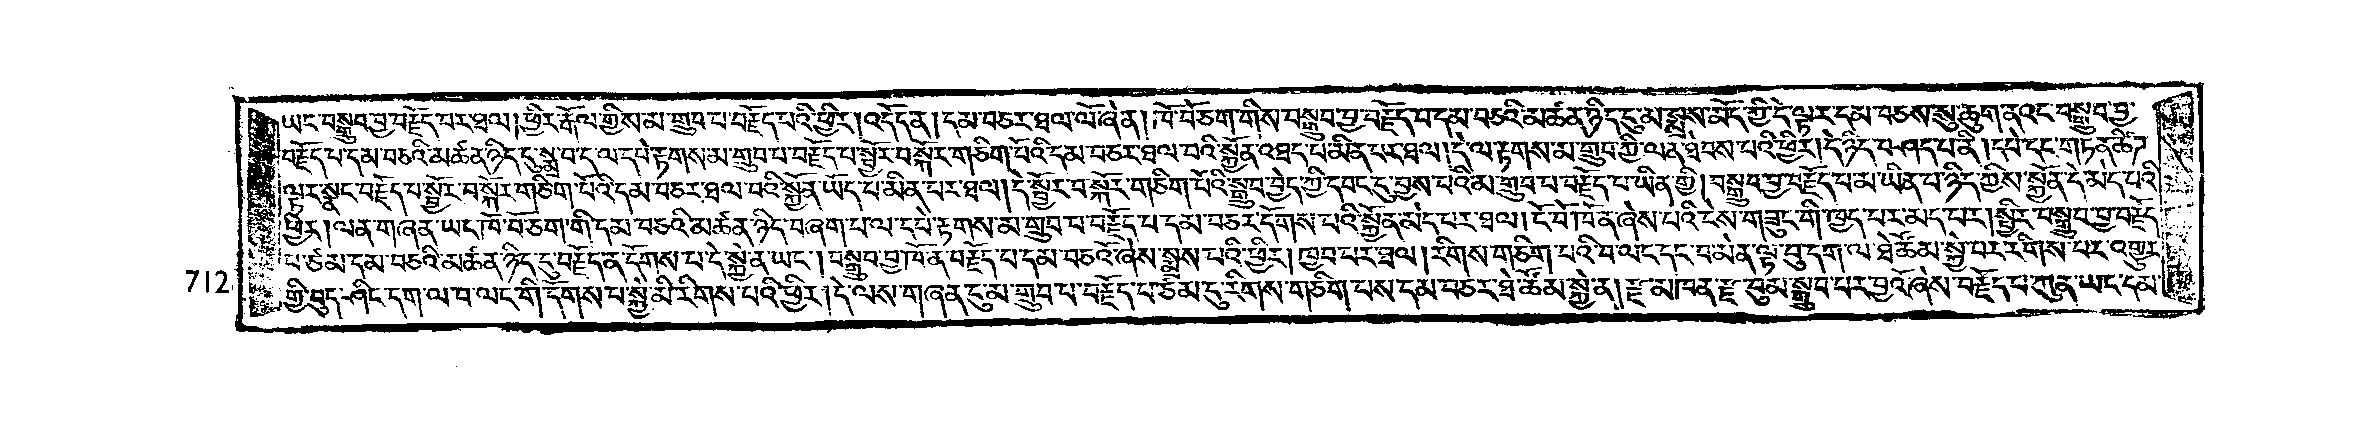ཡང་བསྒྲུབ་བྱ་བརྗོད་པར་ཐལ། ཕྱིར་རྒོལ་གྱི་ས་མ་གྲུབ་པ་བརྗོད་པའི་ཕྱིར། འདོད་ན། དམ་བཅར་ཐལ་ལོ་ཞེ་ན། ཁོ་བོ་ཅག་གིས་བསྒྲུབ་ཡ་བརྗོད་པ་དམ་བཅའི་མཚན་ཉིད་དུ་མ་སྨྲས་མོད་ཀྱི་དེ་ལྟར་དམ་བཅས་སུ་ཚུག་ནའང་བསྒྲུབ་བྱ་
བརྗོད་པ་དམ་བཅའི་མཚན་ཉིད་དུ་སྨྲ་བ་དེ་ལ་དཔེ་རྟགས་མ་གྲུབ་པ་བརྗོད་པ་སྦྱོར་བ་སྐོར་གཅིག་པོའི་དམ་བཅར་ཐལ་བའི་སྐྱོན་འཐད་པ་མིན་པར་ཐལ། དེ་ལ་རྟགས་མ་གྲུབ་ཀྱི་ལན་ཐེབས་པའི་ཕྱིར། དེ་ཉིད་བཤད་པ་ནི། དཔེ་དང་གཏན་ཚིགས་
ལྟར་སྣང་བརྗོད་པ་སྦྱོར་བ་སྐོར་གཅིག་པོའི་དམ་བཅར་ཐལ་བའི་སྐྱོན་ཡོད་པ་མིན་པར་ཐལ། དེ་སྦྱོར་བ་སྐོར་གཅིག་པོའི་སྒྲུབ་བྱེད་ཀྱི་དབང་དུ་བྱས་པའི་མ་གྲུབ་པ་བརྗོད་པ་ཡིན་གྱི། བསྒྲུབ་བྱ་བརྗོད་པ་མ་ཡིན་པ་ཉིད་ཀྱིས་སྐྱོན་དེ་མེད་པའི་
ཕྱིར། ལན་གཞན་ཡང་ཁོ་བོ་ཅག་གི་དམ་བཅའི་མཚན་ཉིད་བཞག་པ་ལ་དཔེ་རྟགས་མ་གྲུབ་པ་བརྗོད་པ་དམ་བཅར་དོགས་པའི་སྐྱོན་མེད་པར་ཐལ། ངོ་བོ་ཁོ་ན་ཞེས་པའི་ངེས་གཟུང་གི་ཁྱད་པར་མེད་པར། སྤྱིར་བསྒྲུབ་བྱ་བརྗོད་
པ་ཙམ་དམ་བཅའི་མཚན་ཉིད་དུ་བརྗོད་ན་དོགས་པ་དེ་སྐྱེ་ན་ཡང་། བསྒྲུབ་བྱ་ཁོ་ན་བརྗོད་པ་དམ་བཅའོ་ཞེས་སྨྲས་པའི་ཕྱིར། ཁྱབ་པར་ཐལ། རིགས་གཅིག་པའི་བ་ལང་དང་བ་མེན་ལྟ་བུ་དག་ལ་ཐེ་ཚོམ་སྐྱེ་བར་རིགས་པར་འགྱུར་
གྱི་བུད་ཤིང་དག་ལ་བ་ལང་གི་དོགས་པ་སྐྱེ་མི་རིགས་པའི་ཕྱིར། དེ་ལས་གཞན་དུ་མ་གྲུབ་པ་བརྗོད་པ་ཙམ་དུ་རིགས་གཅིག་པས་དམ་བཅར་ཐེ་ཚོམ་སྐྱེ་ན། རྫ་མཁན་རྫ་བུམ་སྒྲུབ་པར་བྱའོ་ཞེས་བརྗོད་པ་ཀུན་ཡང་དམ་